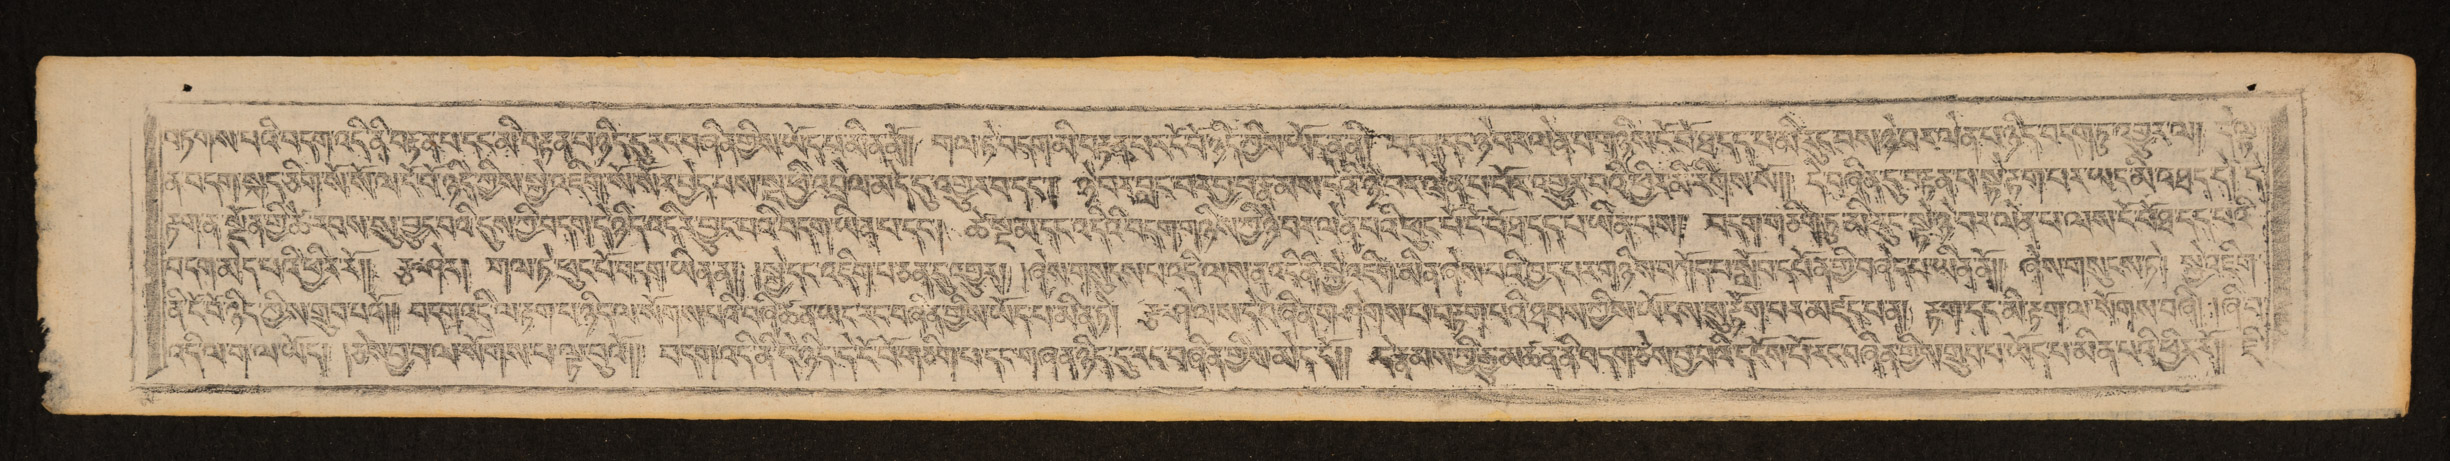བཏགས་པའི་བདག་འདི་ནི་བརྟན་པ་དང་མི་བརྟན་པ་ཉིད་དུ་རང་བཞིན་གྱིས་ཡོད་པ་མིན་ནོ།། གལ་ཏེ་བདག་མི་བརྟན་པར་ངོ་བོ་ཉིད་ཀྱིས་ཡོད་ན་ནི། བདག་དང་ཉེ་བར་ལེན་པ་གཉིས་ངོ་བོ་ཐ་དད་པ་མི་རུང་བས་ཉེ་བར་ལེན་པ་ཉིད་བདག་ཏུ་འགྱུར་ལ། དེ་ལྟ་
ན་བདག་སྐད་ཅིག་སོ་སོ་ལ་ངོ་བོ་ཉིད་ཀྱིས་སྐྱེ་འཇིག་སོ་སོར་བྱེད་པས་སྔ་ཕྱི་འབྲེལ་མེད་དུ་འགྱུར་བ་དང་། ཉེ་བར་བླང་བར་བྱ་བ་རྣམས་དེའི་ཉེ་བར་ལེན་པ་པོར་འགྱུར་བའི་ཕྱིར་མི་རིགས་སོ།། དེ་བཞིན་དུ་བརྟན་པ་སྟེ་རྟག་པར་ཡང་མི་འཐད་དེ། དེ་
རྟག་ན་སྔོན་གྱི་ཚེ་རབས་སུ་བྱུང་བའི་དུས་ཀྱི་བདག་དེ་ཉིད་འདིར་བྱུང་བའི་བདག་ཡིན་པ་དང་། ཚེ་སྔ་མ་དང་འདིའི་བདག་གཉིས་ཀྱི་ཉེ་བར་ལེན་པའི་ཕུང་པོ་ངོ་བོ་ཐ་དད་པ་ཡིན་པས། བདག་གཅིག་ཏུ་མི་རུང་སྟེ་ཉེ་བར་ལེན་པ་ལས་ངོ་བོ་ཐ་དད་པའི་
བདག་མེད་པའི་ཕྱིར་རོ།། རྩ་ཤེར། གལ་ཏེ་ཕུང་པོ་བདག་ཡིན་ན། །སྐྱེ་དང་འཇིག་པ་ཅན་དུ་འགྱུར། །ཞེས་གསུངས་པ་འདི་ལས་ན་འདི་ནི་སྐྱེ་འཇིག་མིན་ཞེས་པའི་ཁྱད་པར་གཉིས་བཀོད་པ་སློབ་དཔོན་གྱི་བཞེད་པ་ཡིན་ནོ།། ཞེས་གསུངས་ཏེ། སྐྱེ་འཇིག་
ནི་ངོ་བོ་ཉིད་ཀྱིས་གྲུབ་པའོ།། བདག་འདི་ལ་རྟག་པ་ཉིད་ལ་སོགས་པའི་བཞི་ཚན་ཡང་རང་བཞིན་གྱིས་ཡོད་པ་མིན་ཏེ། རྩ་ཤེ་ལས་དེ་བཞིན་གཤེགས་པ་བརྟག་པའི་ཐབས་ཀྱིས་ཡོངས་སུ་རྟོག་པར་མཛད་པ་ན། རྟག་དང་མི་རྟག་ལ་སོགས་བཞི། །ཞི་བ་
འདི་ལ་ག་ལ་ཡོད། །ཅེས་བྱ་བ་ལ་སོགས་པ་ལྟ་བུའོ།། བདག་འདི་ནི་དེ་ཉིད་དེ་ངོ་བོ་གཅིག་པ་དང་གཞན་ཉིད་དུ་རང་བཞིན་གྱིས་མེད་དོ།། དེ་རྣམས་ཀྱི་རྒྱུ་མཚན་ནི་བདག་ཅེས་བྱ་བའི་དངོས་པོ་རང་བཞིན་གྱིས་གྲུབ་པ་ཡོད་པ་མིན་པའི་ཕྱིར་རོ།། ཇི་